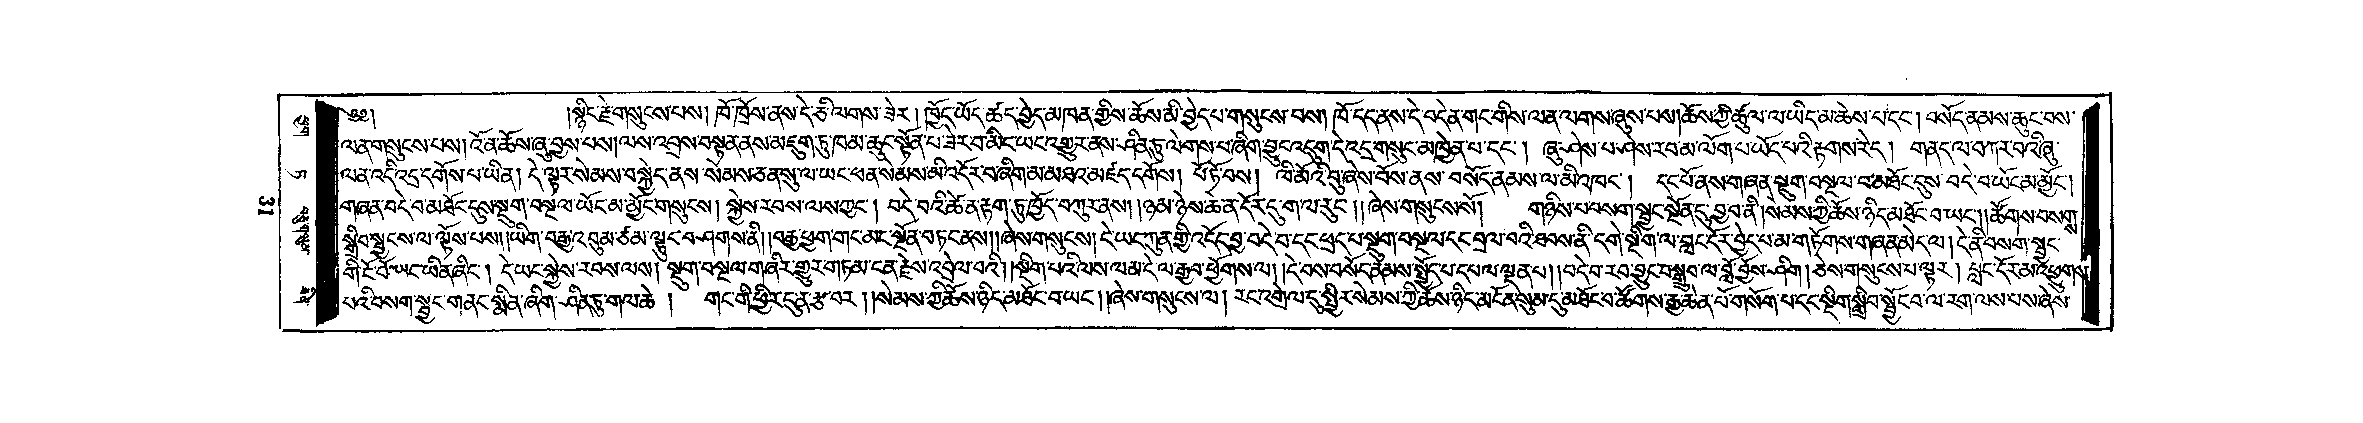༄༅། །སྙིང་རྗེ་གསུངས་པས། ཁོ་ཁྲོས་ནས་དེ་ཅི་ལགས་ཟེར། ཁྱོད་ཡོད་ཚད་བྱེད་མཁན་གྱིས་ཆོས་མི་བྱེད་པ་གསུངས་བས། ཁོ་དད་ནས་དེ་བདེན་གང་གིས་ལན་ལགས་ཞུས་པས། ཆོས་ཀྱི་ཚུལ་ལ་ཡིད་མ་ཆེས་པ་དང་། བསོད་ནམས་ཆུང་བས་
ལན་གསུངས་པས། འོ་ན་ཆོས་ཞུ་བྱས་པས། ལས་འབྲས་བསྟན་ནས་མཇུག་ཏུ་ཁམ་ཆུང་སྟོན་པ་ཟེར་བ་མིང་ཡང་འགྱུར་ནས་ཤིན་ཏུ་ལེགས་པ་ཞིག་བྱུང་འདུག་དེ་འདྲ་གསུང་མཁྱེན་པ་དང་། ཞུ་ཤེས་པ་ཤེས་རབ་མ་ལོག་པ་ཡོད་པའི་རྟགས་རེད། གནད་ལ་བཀར་བའི་ཞུ་
ལན་འདི་འདྲ་དགོས་པ་ཡིན། དེ་ལྟར་སེམས་བསྐྱེད་ནས་སེམས་ཅན་སུ་ལ་ཡང་ཕན་སེམས་མི་འདོར་བ་ཞིག་མ་མཐའ་མཛད་དགོས། པོ་ཏོ་བས། ལི་མོའི་བུ་ཞེས་བོས་ནས་བསོད་ནམས་ལ་མི་འཁང་། དང་པོ་ནས་གཞན་སྡུག་བསྔལ་བ་མཐོང་དུས་བདེ་བ་ཡོང་མ་མྱོང་།
གཞན་བདེ་བ་མཐོང་དུས་སྡུག་བསྔལ་ཡོང་མ་མྱོང་གསུངས། སྐྱེས་རབས་ལས་ཀྱང་། བདེ་བའི་ཚེ་ན་རྟག་ཏུ་ཁྱོད་བཀུར་ནས། །ཉམ་ཉེས་ཆེ་ན་དོར་དུ་ག་ལ་རུང་། །ཞེས་གསུངས་སོ། གཉིས་པ་བསག་སྦྱང་སྔོན་དུ་བྱ་བ་ནི། སེམས་ཀྱི་ཆོས་ཉིད་མཐོང་བ་ཡང་། །ཚོགས་བསགས་
སྒྲིབ་སྦྱངས་ལ་ལྟོས་པས། །ཡིག་བརྒྱ་འབུམ་ཙམ་ལྟུང་བཤགས་ནི། །བརྒྱ་ཕྱག་གང་མང་སྔོན་བཏང་ནས། །ཞེས་གསུངས། དེ་ཡང་ཀུན་གྱི་འདོད་བྱ་བདེ་བ་དང་ཕྲད་པ་སྡུག་བསྔལ་དང་བྲལ་བའི་ཐབས་ནི་དགེ་སྡིག་ལ་བླང་དོར་བྱེད་པ་མ་གཏོགས་གཞན་མེད་ལ། དེ་ནི་བསག་སྦྱང་
གི་ངོ་བོ་ཡང་ཡིན་ཞིང་། དེ་ཡང་སྐྱེས་རབས་ལས། སྡུག་བསྔལ་གཞིར་གྱུར་གཏམ་ངན་རྗེས་འབྲེལ་བའི། །སྡིག་པའི་ལས་ལམ་དེ་ལ་རྒྱབ་ཕྱོགས་ལ། །དེ་བས་བསོད་ནམས་སྤྱོད་པ་དཔལ་ལྡན་པ། །བདེ་བ་རབ་བྱུང་བསྒྲུབ་ལ་བློ་བྱོས་ཤིག །ཅེས་གསུངས་པ་ལྟར། བླང་དོར་མ་འཕྱུགས་
པའི་བསག་སྦྱང་གནང་སྨིན་ཞིག་ཤིན་ཏུ་གལ་ཆེ། གང་གི་ཕྱིར་དུ་ན་རྩ་བར། །སེམས་ཀྱི་ཆོས་ཉིད་མཐོང་བ་ཡང་། །ཞེས་གསུངས་ལ། རང་འགྲེལ་དུ་སྤྱིར་སེམས་ཀྱི་ཆོས་ཉིད་མངོན་སུམ་དུ་མཐོང་བ་ཚོགས་རྒྱ་ཆེན་པོ་གསོག་པ་དང་སྡིག་སྒྲིབ་སྦྱོང་བ་ལ་རག་ལས་པས་ཞེས་